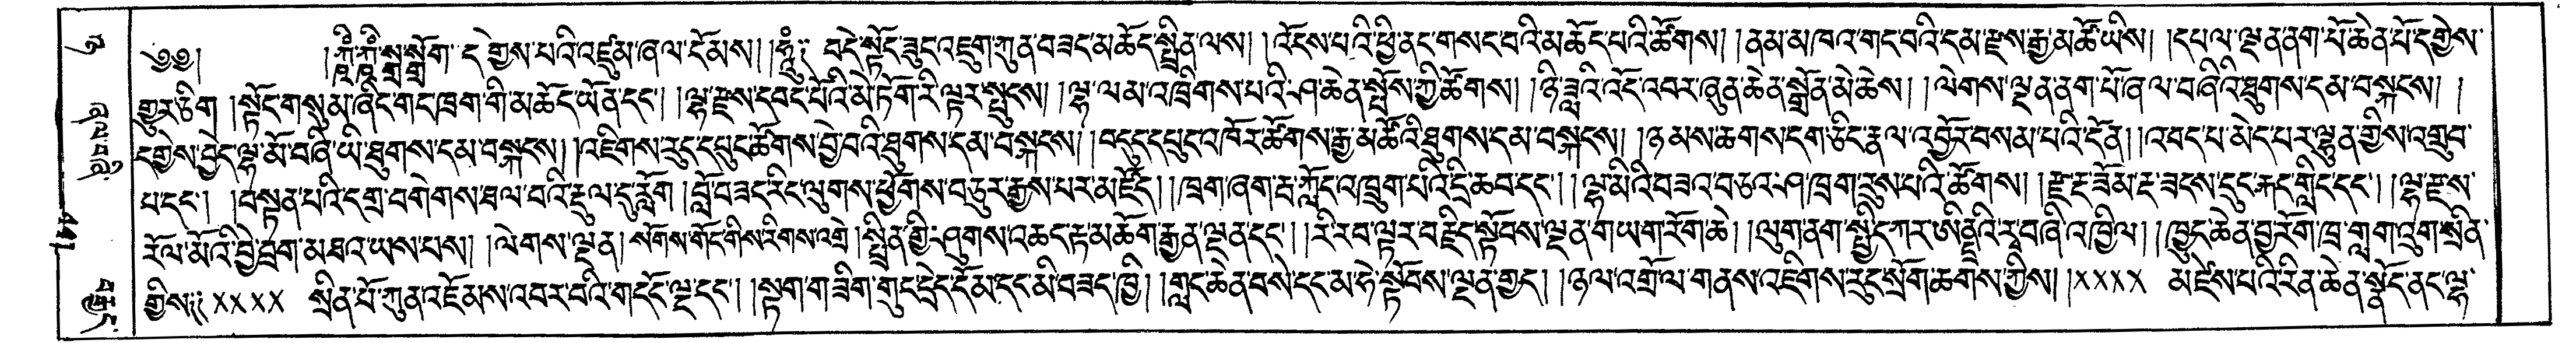༄༅། །ཀྵིཾ་ཀྵིཾ་སྒྲ་སྒྲོག་དགྱེས་པའི་འཛུམ་ཞལ་ངོམས། །ཧཱུཾ༑ བདེ་སྟོང་ཟུང་འཇུག་ཀུན་བཟང་མཆོད་སྤྲིན་ལས། །འོངས་པའི་ཕྱི་ནང་གསང་བའི་མཆོད་པའི་ཚོགས། །ནམ་མཁའ་གང་བའི་དམ་རྫས་རྒྱ་མཚོ་ཡིས། །དཔལ་ལྡན་ནག་པོ་ཆེན་བོ་དགྱེས་
གྱུར་ཅིག །སྟོང་གསུམ་ཞིང་གང་ཁྲག་གི་མཆོད་ཡོན་དང་། །ལྷ་རྫས་དབང་བོའི་མེ་ཏོག་རི་ལྟར་སྤུངས། །ལྷ་ལམ་འཁྲིགས་པའི་ཤ་ཆེན་སྤོས་ཀྱི་ཚོགས། །ཉི་ཟླའི་འོད་འབར་ཞུན་ཆེན་སྒྲོན་མེ་ཆེས། །ལེགས་ལྡན་ནག་པོ་ཞལ་བཞིའི་ཐུགས་དམ་བསྐངས། །
དགྱེས་བྱེད་ལྷ་མོ་བཞི་ཡི་ཐུགས་དམ་བསྐངས། །འཇིགས་རུང་དཔུང་ཚོགས་བྱེ་བའི་ཐུགས་དམ་བསྐངས། །བདུད་དཔུང་འཁོར་ཚོགས་རྒྱ་མཚོའི་ཐུགས་དམ་བསྐངས། །ཉམས་ཆགས་དག་ཅིང་རྣལ་འབྱོར་བསམ་པའི་དོན། །འབད་པ་མེད་པར་ལྷུན་གྱིས་འགྲུབ་
པ་དང་། །བསྟན་པའི་དགྲ་བགེགས་ཐལ་བའི་རྡུལ་དུ་རློག །བློ་བཟང་རིང་ལུགས་ཕྱོགས་བཅུར་རྒྱས་པར་མཛོད། །ཁྲག་ཞག་རབ་ཀློང་འཁྲུག་པའི་དྲི་ཆབ་དང་། །ལྷ་མིའི་བཟའ་བཅའ་ཤ་ཁྲག་རུས་པའི་ཚོགས། །རྫ་རྔ་ཟོམ་རྔ་ཟངས་དུང་རྒང་གླིང་དང་། །ལྷ་རྫས་
རོལ་མོའི་བྱེ་བྲག་མཐའ་ཡས་པས། །ལེགས་ལྡན་སོགས་གོང་གིས་རིགས་འགྲེ་།སྤྲིན་གྱི་ཤུགས་འཆང་རྟ་མཆོག་རྒྱན་ལྡན་དང་། །རི་རབ་ལྟར་བརྗིད་སྟོབས་ལྡན་གཡག་རོག་ཆེ། །ལུག་ནག་སྦྱི་དཀར་ཨི་ནདྲའི་རྭ་བཞི་འཁྱིལ། །ཁྱུང་ཆེན་བྱ་རོག་ཁྲ་གླག་འུག་སྲིན་
གྱིས༑༑ སྲིན་པོ་ཀུན་འཇོམས་འབར་བའི་གདོང་ལྔ་དང་། །སྟག་གཟིག་གུང་དྲེད་དོམ་དང་མི་བཟད་ཁྱི། །གླང་ཆེན་བསེ་དང་མ་ཧེ་སྟོབས་ལྡན་གྱད། །ཉལ་འགྲོ་ལ་གནས་འཇིགས་རུང་སྲོག་ཆགས་ཀྱིས། །མཛེས་པའི་རིན་ཆེན་སྣོད་ནང་ལྷ་